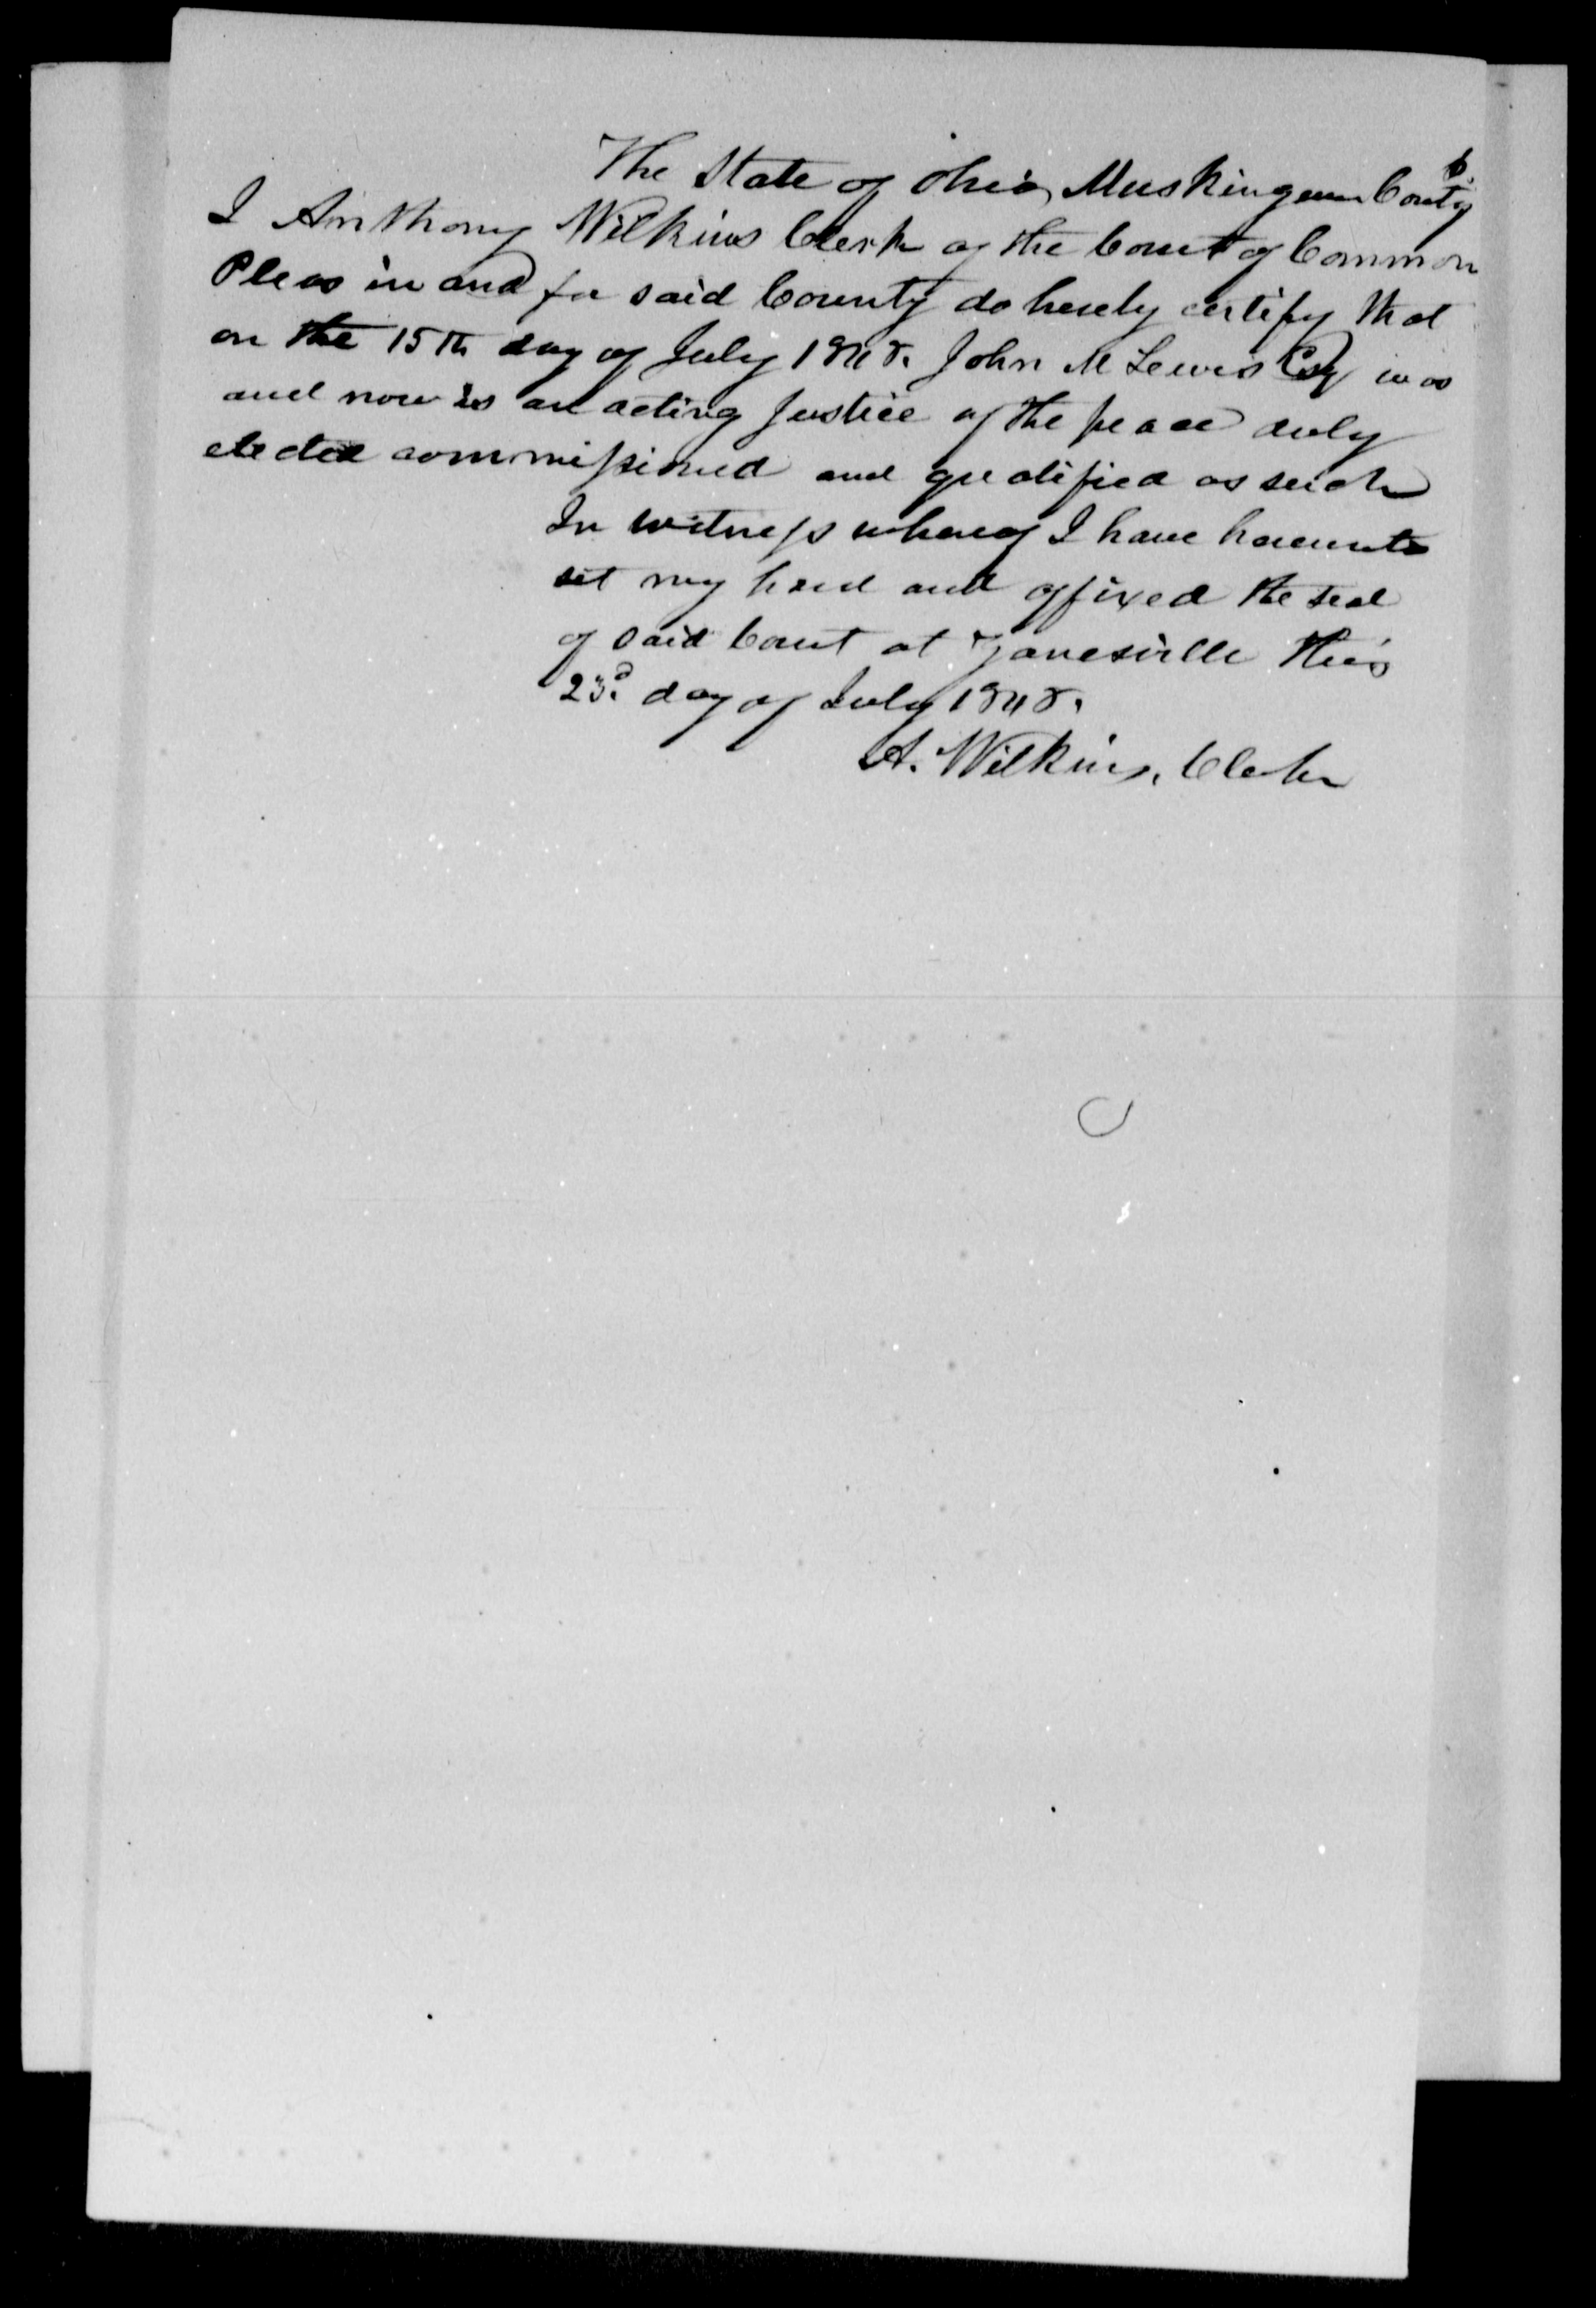The State of Ohio, Muskingum County
I Anthony Wilkins Clerk of the Court of Common Pleas in and for said County do hereby certify that on the 15th day of July 1848, John M Lewis Esq was and now is an acting Justice of the Peace duly elected commissioned and qualified as such
In witness whereof I have hereunto set my hand and affixed the seal of said Court at Zanesville this 23d day of July 1848.
A. Wilkins, Clerk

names: Anthony Wilkins; A Wilkins; John M Lewis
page: 84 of 84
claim: widow's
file: W.11104, for John Remay, Virginia